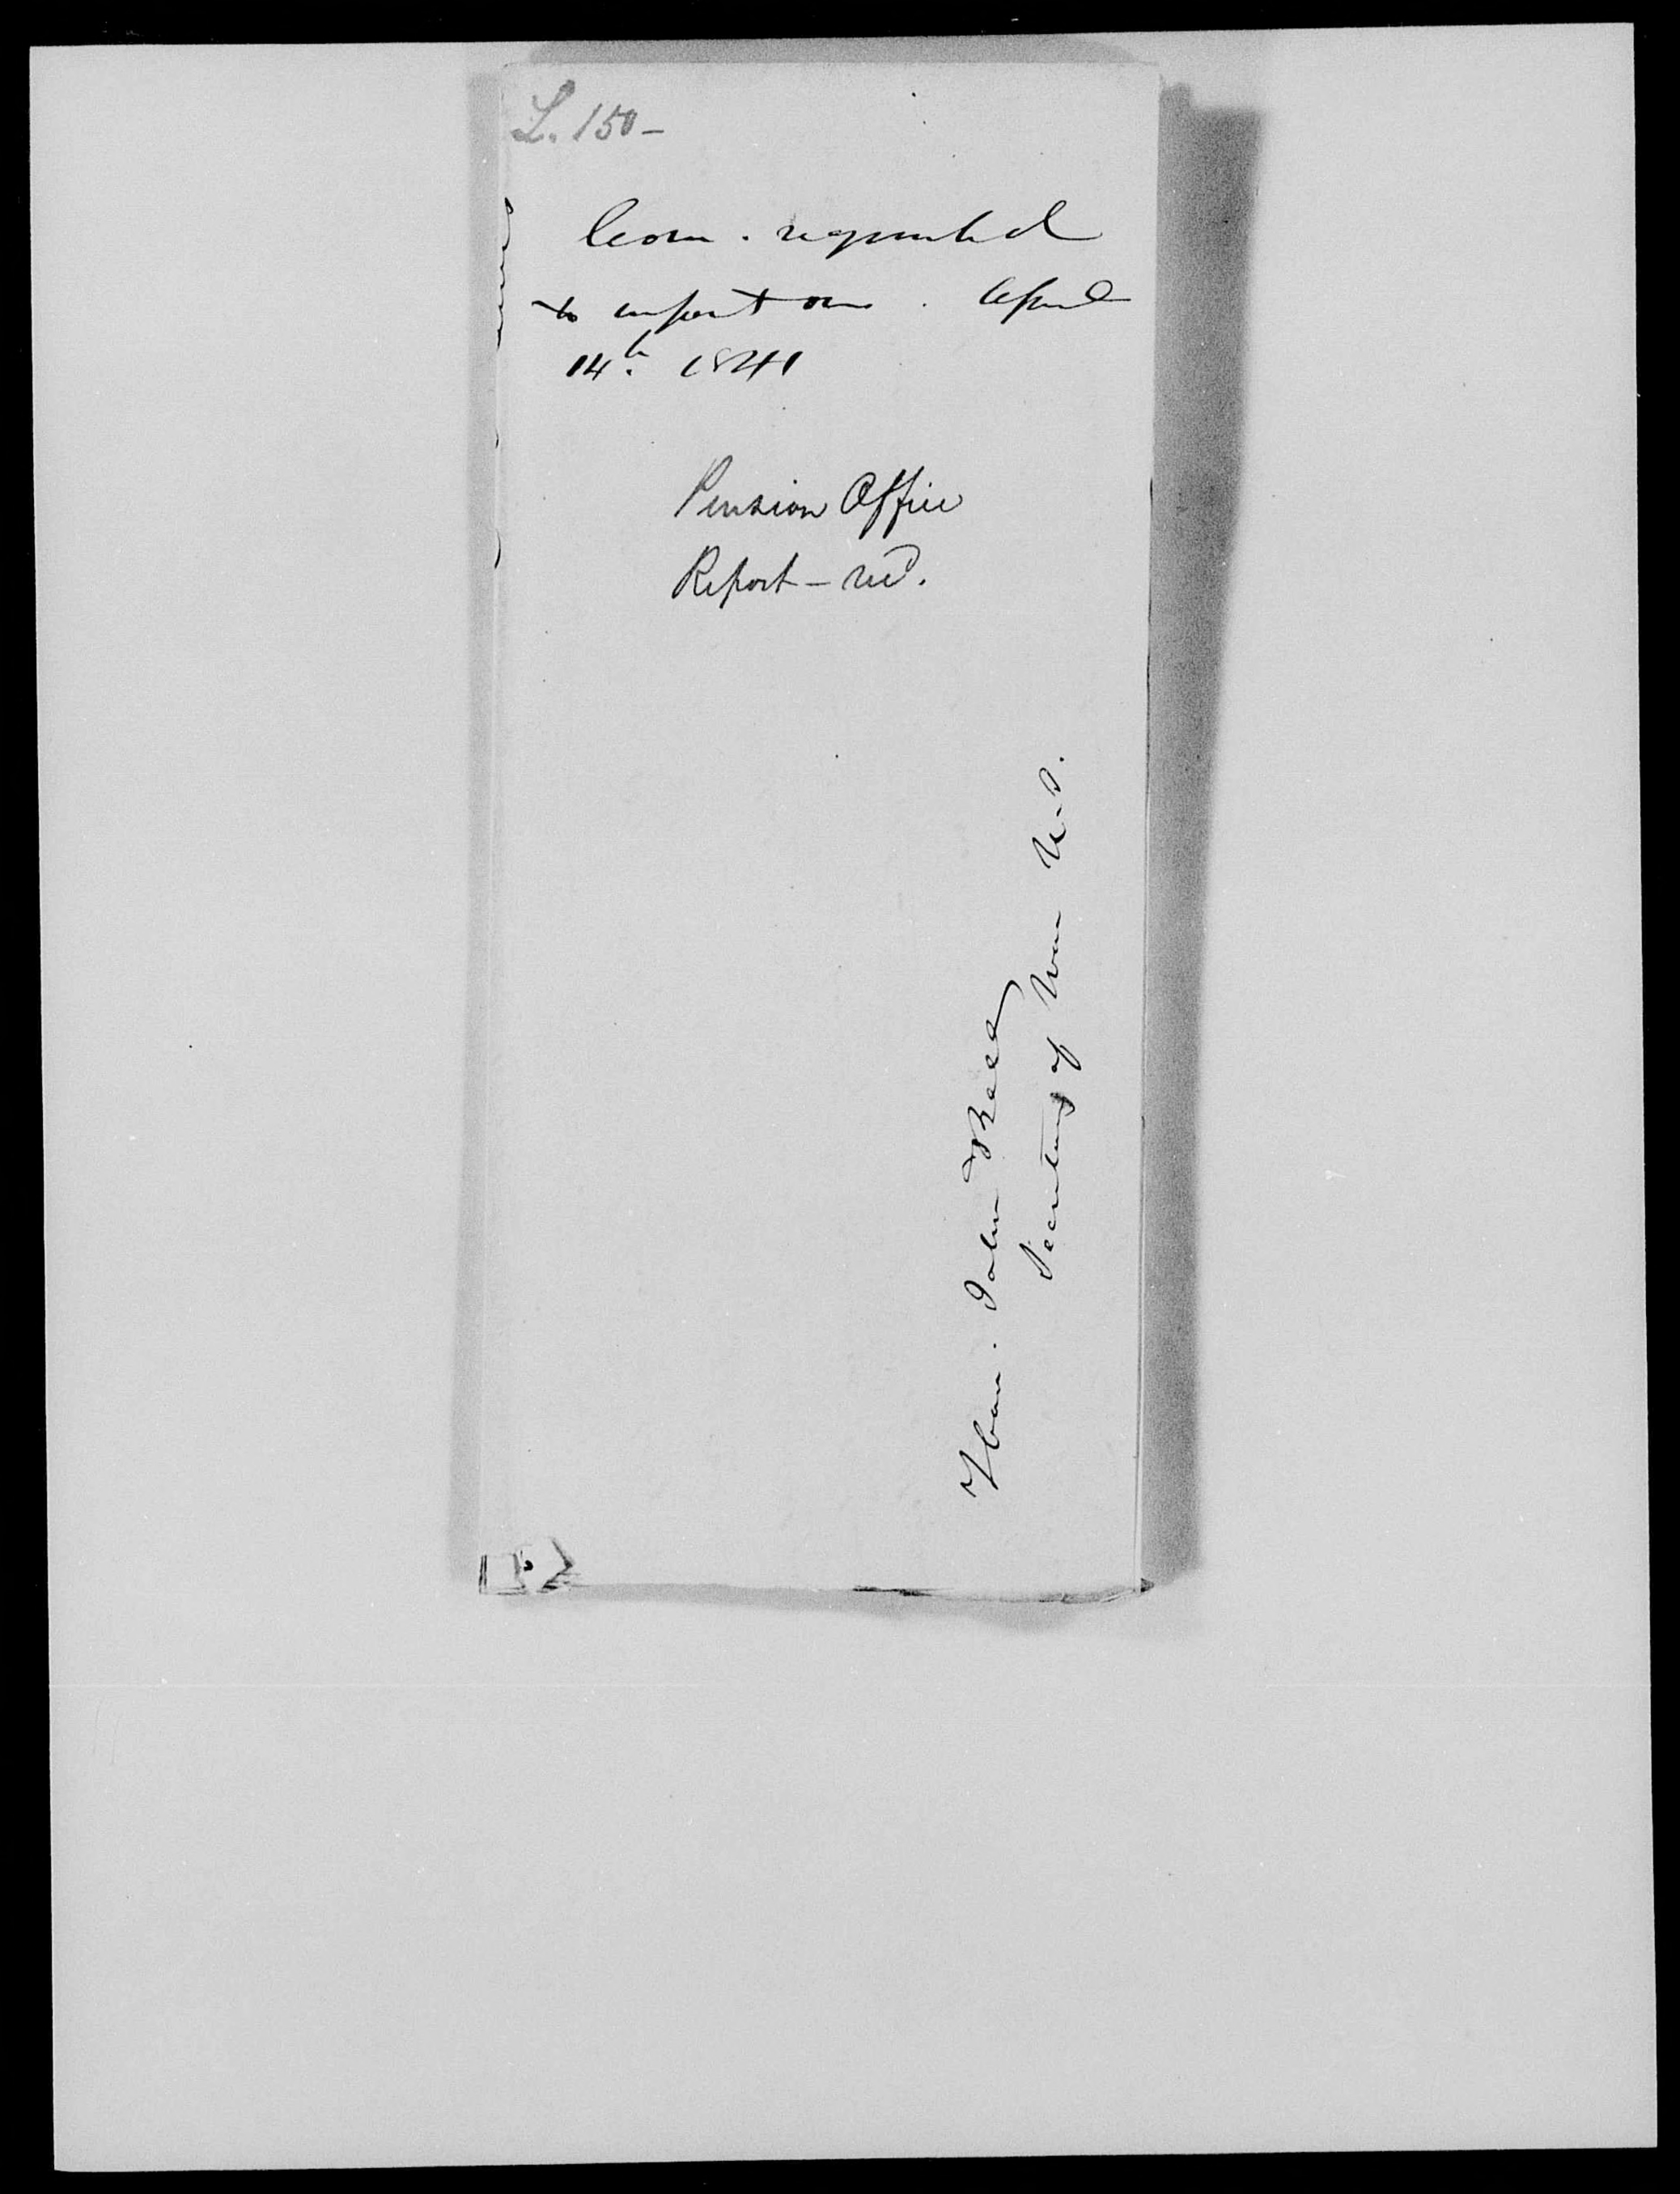L.150-
Com. requested
to report on   April 14th 1841
Pension Office
Report - Recd.
Hon. John Bell
Secretary of War U.S.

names: John Bell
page: 41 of 75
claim: survivor's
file: S. 9989, for William Popham, Delaware